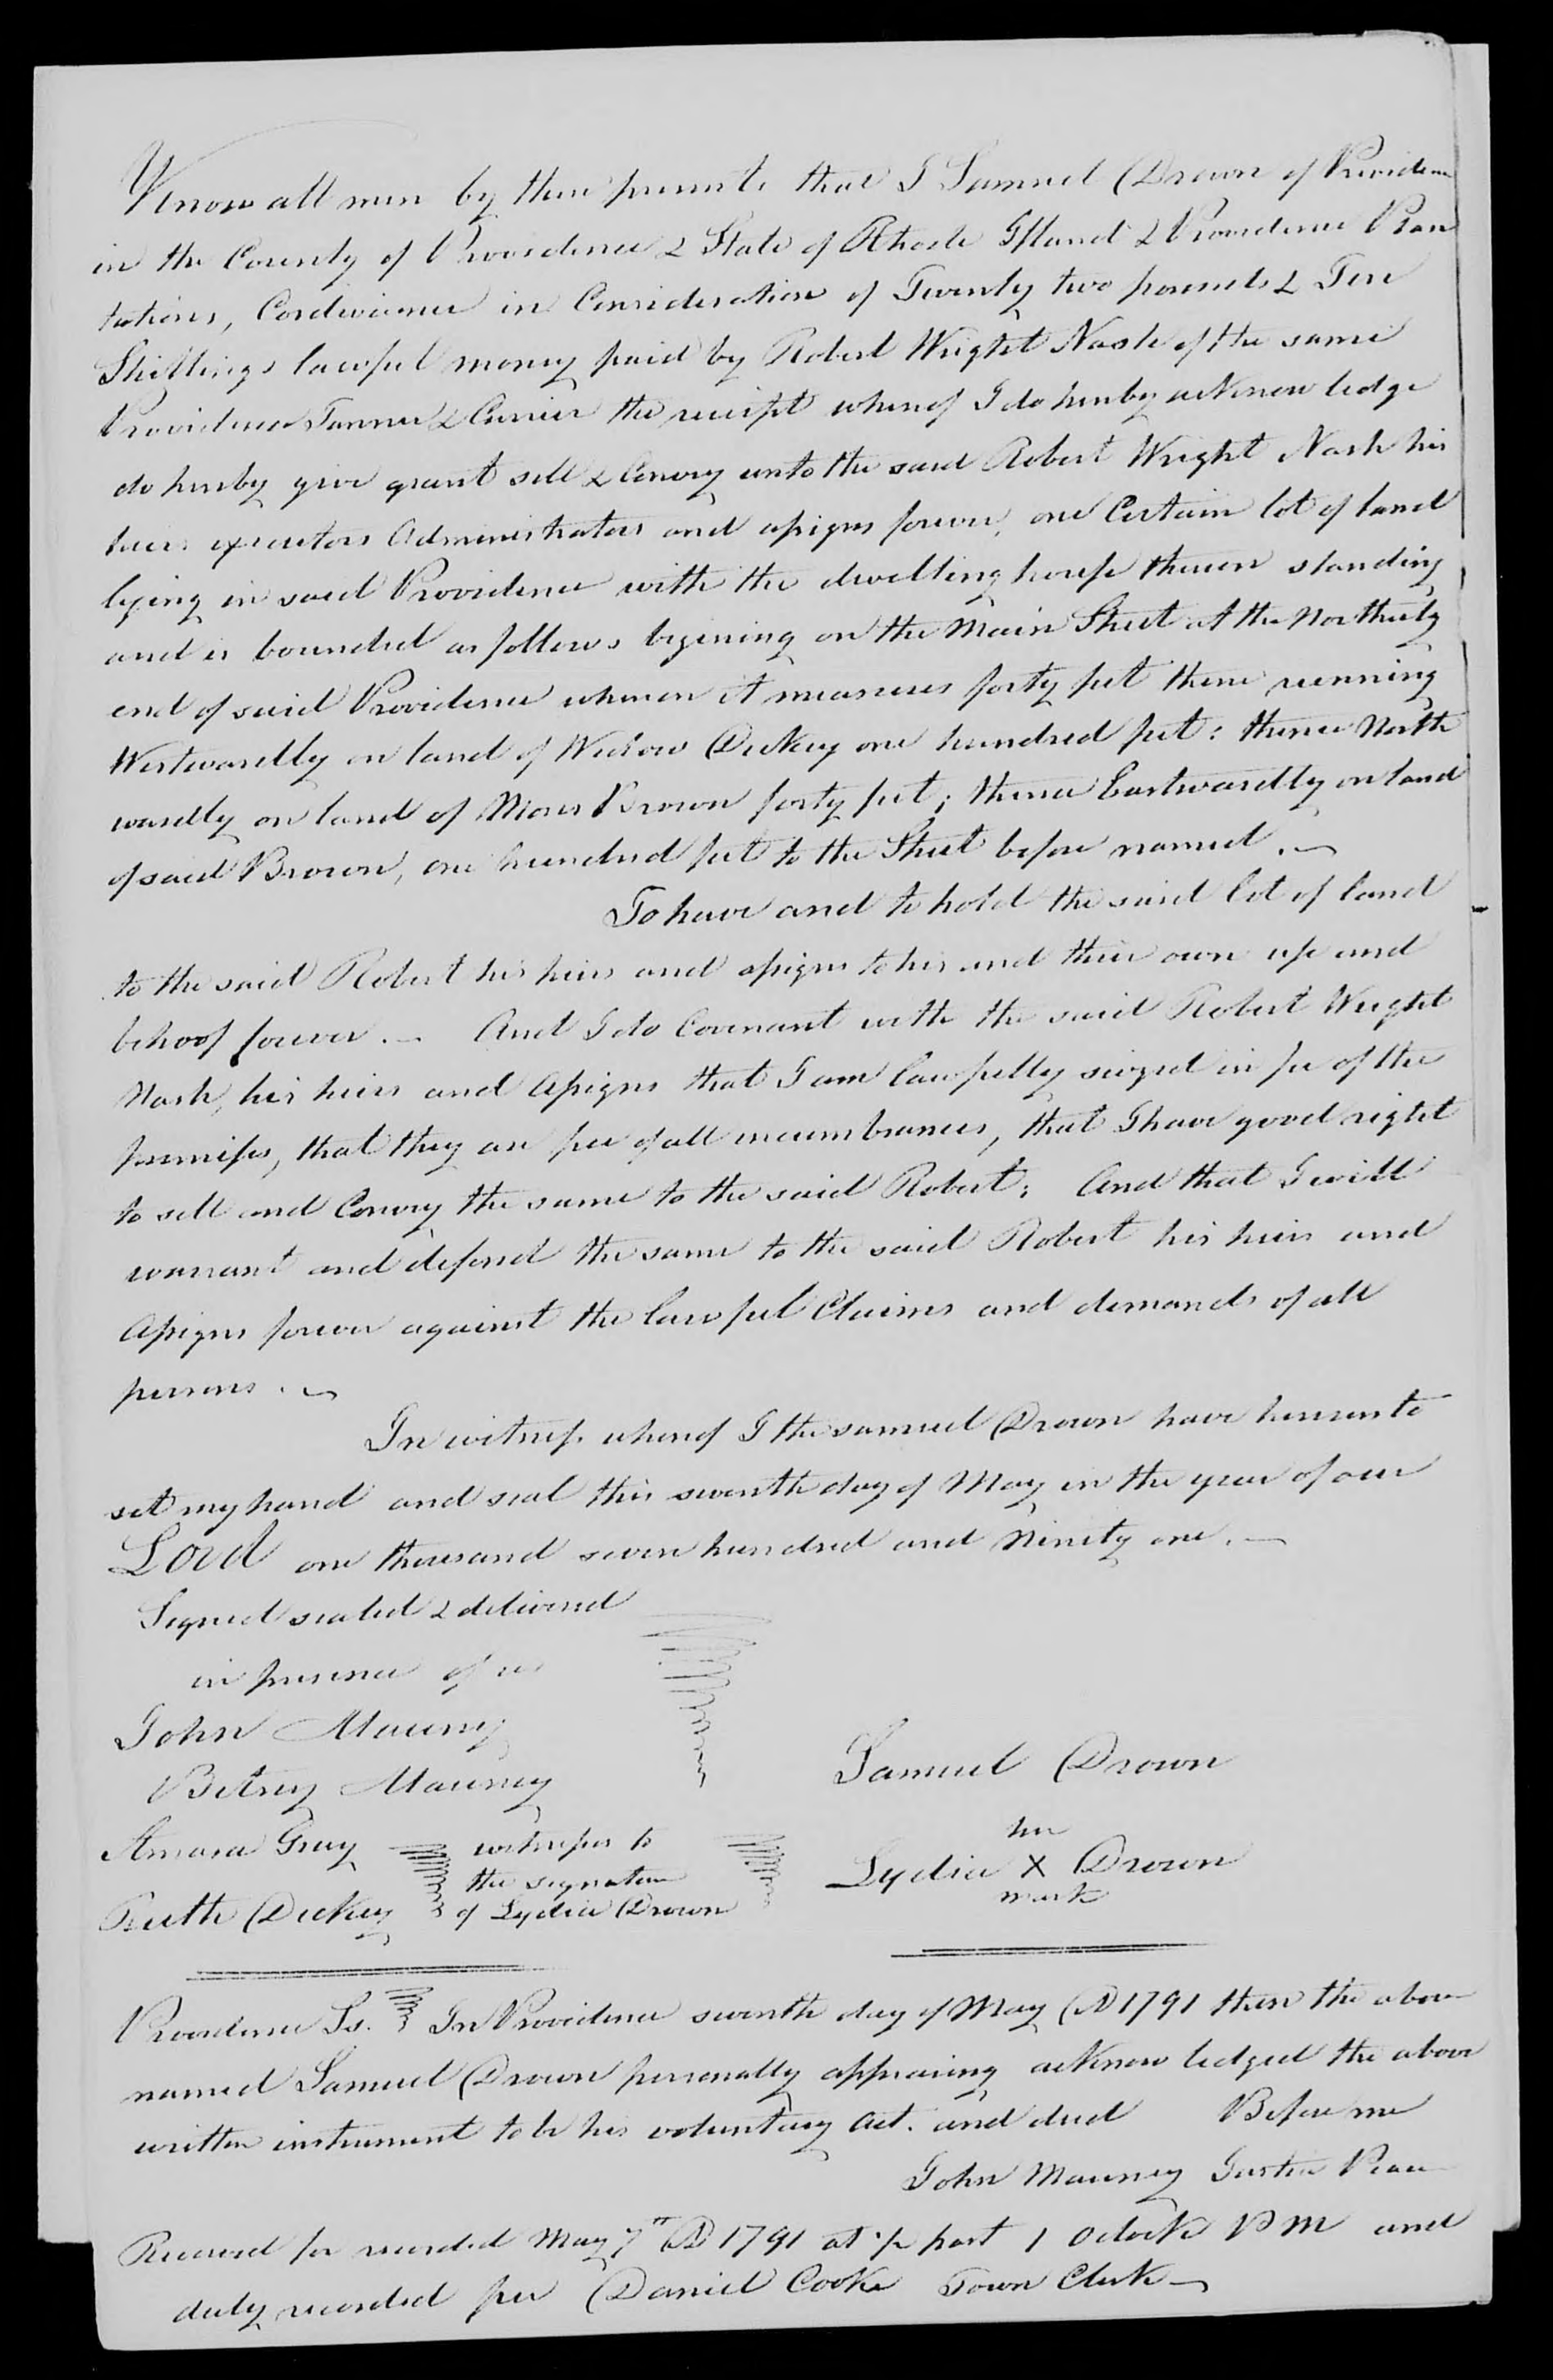Know all men by them present that I Samuel Drown of Providence in the County of Providence & State of Rhode Island & Providence Plantations, [illegible] in consideration of Twenty two pounds & Ten
Shillings lawful money paid by Robert Wright Nash of the same Providence Tanner & Currier the receipt whereof I do hereby acknowledge do hereby give grant sell & convey unto the said Robert Wright Nash his heirs executors administrators and assigns forever one certain lot of land lying in said Providence with the dwelling house thereon standing and is bounded as follows beginning on the main Street at the Northerly
end of said Providence wherein it measures forty feet thence running Westwardly on land of Widow Dickey one hundred feet: thence northwardly on land of Moses Brown forty feet; thence Eastwardly on land of said Brown, one hundred feet to the Street before named. -

To have and to hold the said lot of land to the said Robert his heirs and assigns to his and their own use and behoof forever. And I do covenant with the said Robert Wright Nash his heirs and assigns that I am lawfully seized in fee of the premises, that they are free of all incumbrances, that I have good right
to sell and convey the same to the said Robert: And that I will warrant and defend the same to the said Robert his heirs and assigns forever against the lawful claims and demands of all persons. -

In witness whereof I the samuel Drown have hereunto set my hand and seal this seventh day of May in the year of our Lord one thousand seven hundred and ninety one. -

Signed sealed & delivered
in presence of us
John Mauney
Betsey Mauney
Amasa Gray 
Ruth Dickey
witness to the signature of Lydia Drown

Samuel Drown
Lydia Drown her X mark

Providence Ss In Providence seventh day of May Ad 1791 then the above named Samuel Drown personally appearing acknowledged the above
written instrument to be his voluntary act and deed
Before me
John Mauney Justice Peace
Received for recorded May 7th AD 1791 at ½ past 1 Oclock P M and
duly recorded per Daniel Cooke Town Clerk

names: John Mauney, Amasa Gray, Robert Wright Nash, Samuel Drown, John Mauney, Betsey Mauney, Robert Wright Nash, Daniel Cooke, Ruth Dickey, Samuel Drown, Moses Brown, Brown, Lydia Drown, Samuel Drown, Robert, Dickey, Samuel Drown, Robert, Robert, Robert Wright Nash, Lydia Drown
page: 14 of 31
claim: widow's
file: W 21004, Samuel Drown, R.I.